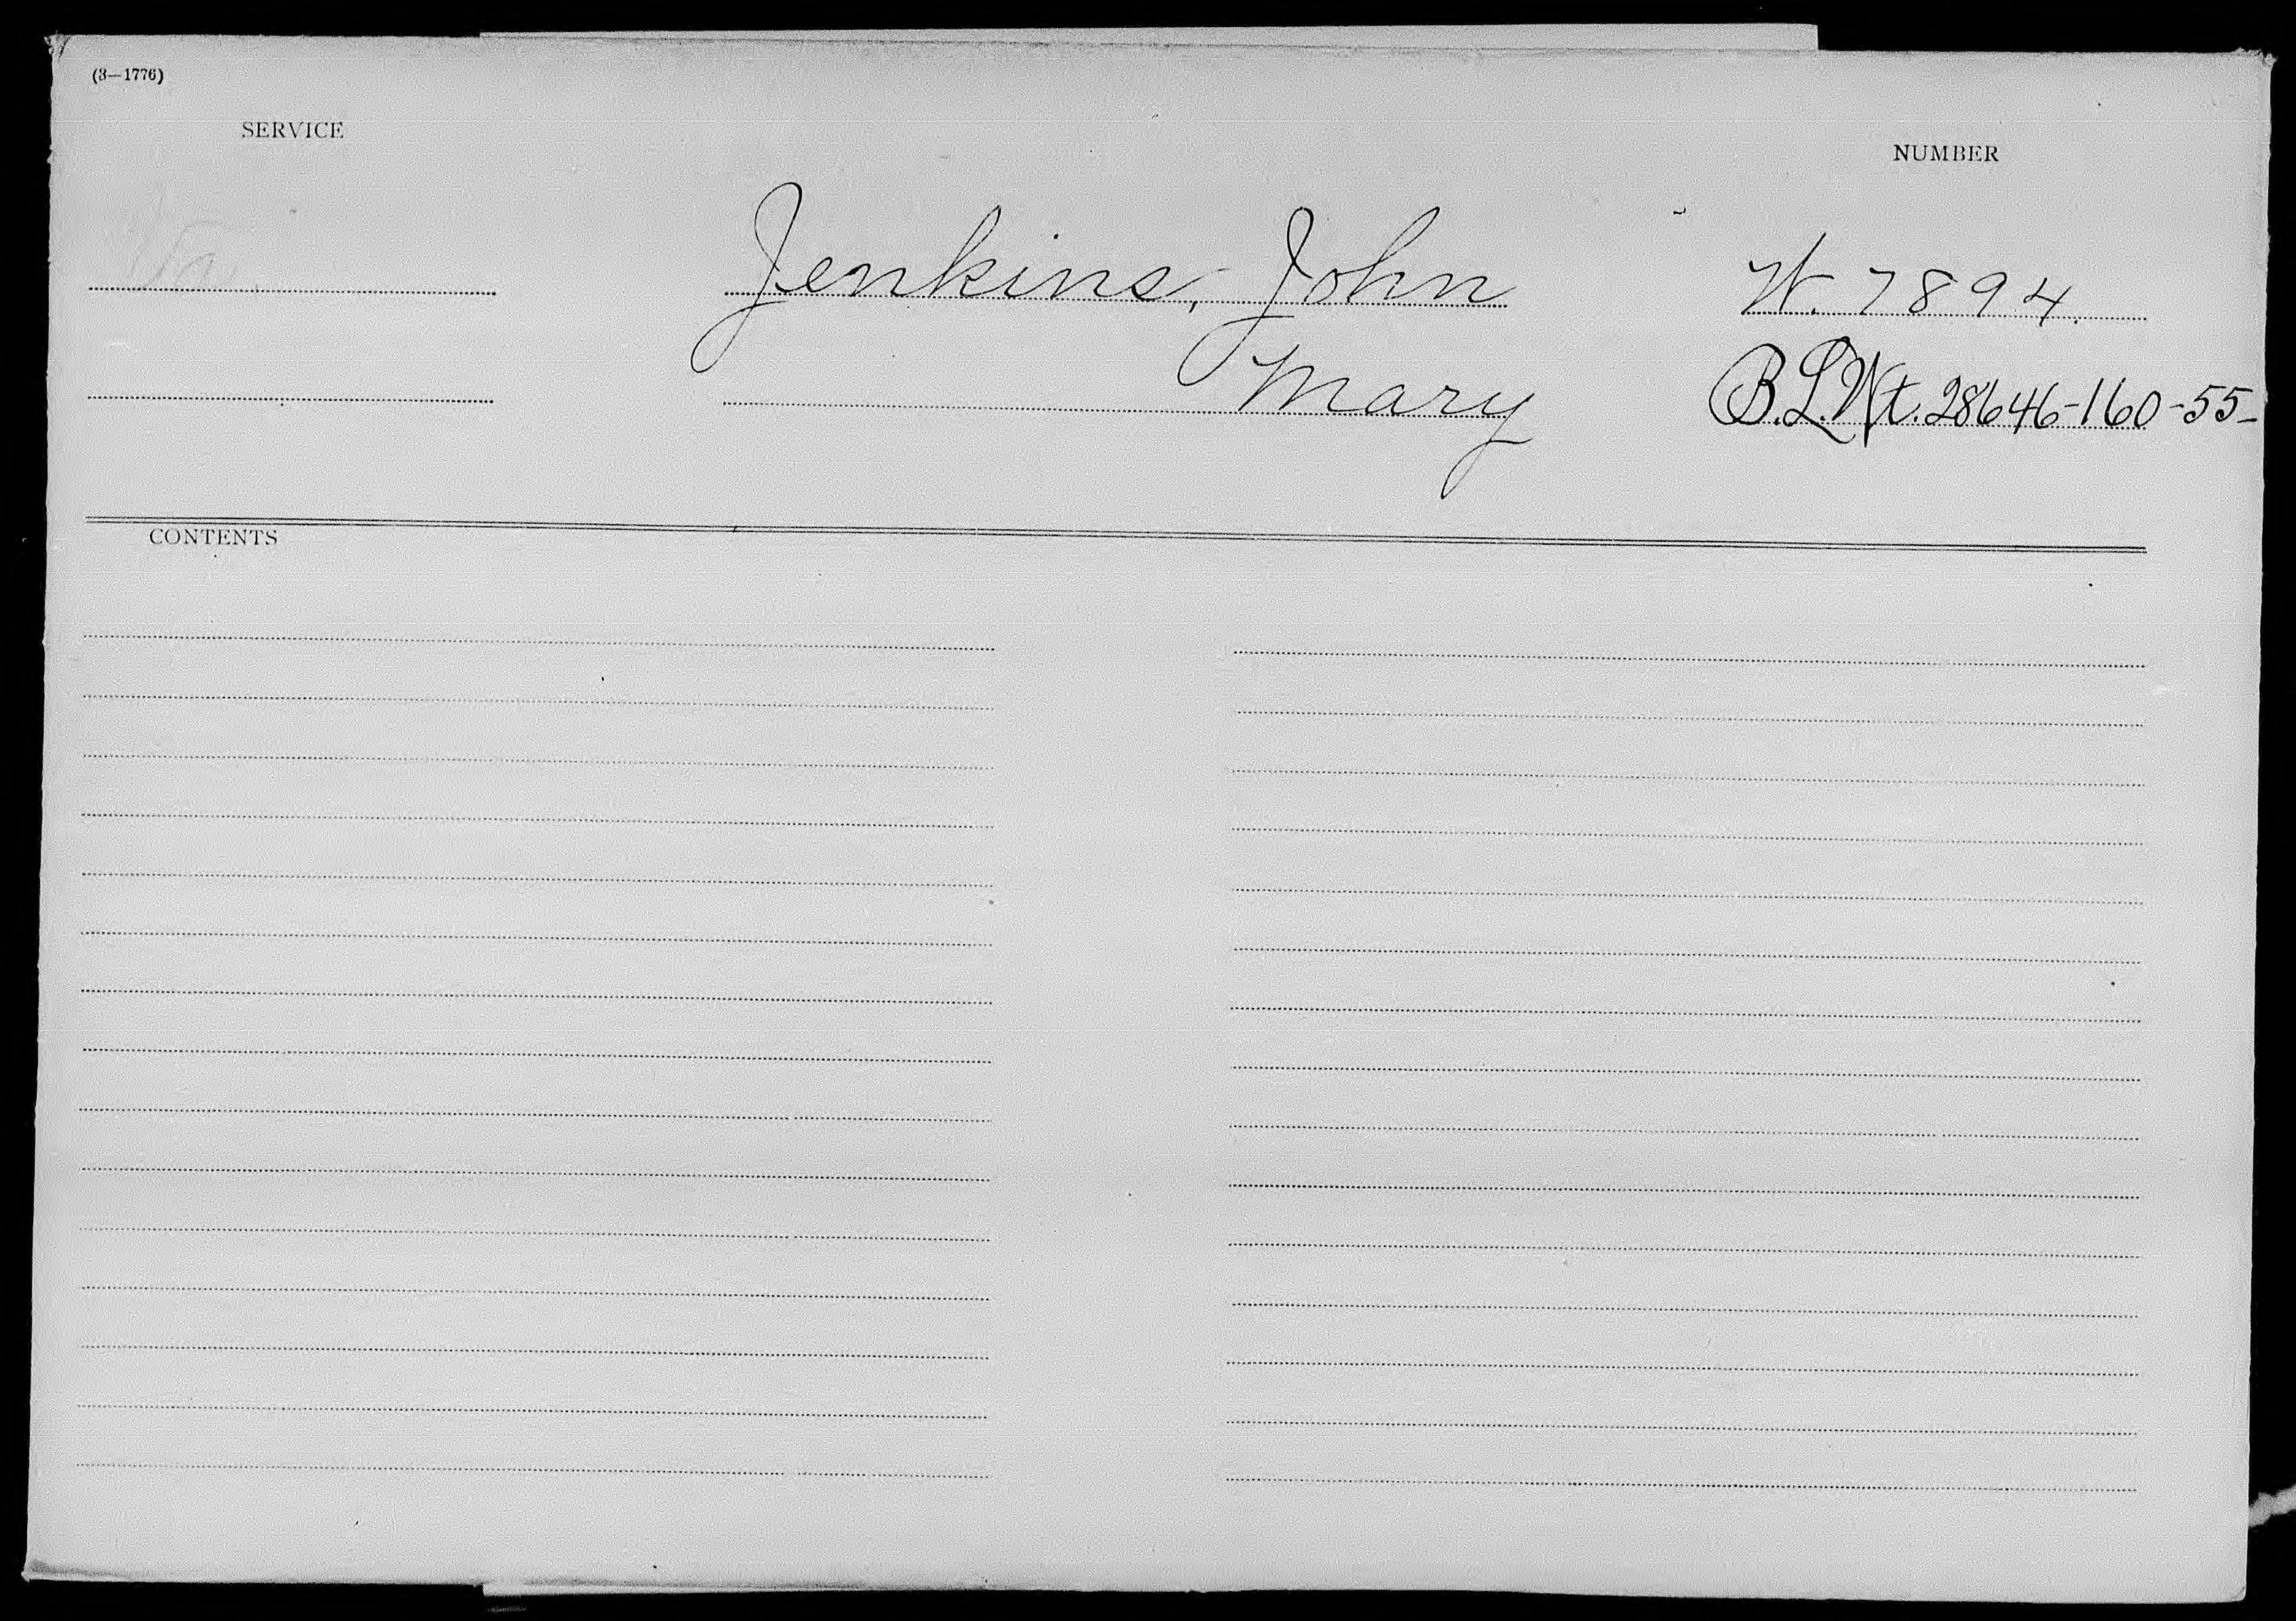Service Va
Jenkins, John Mary
Number W. 7894 B.L.WT 28646-160-55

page: 1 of 55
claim: widow's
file: W. 7894, for John Jenkins, Virginia